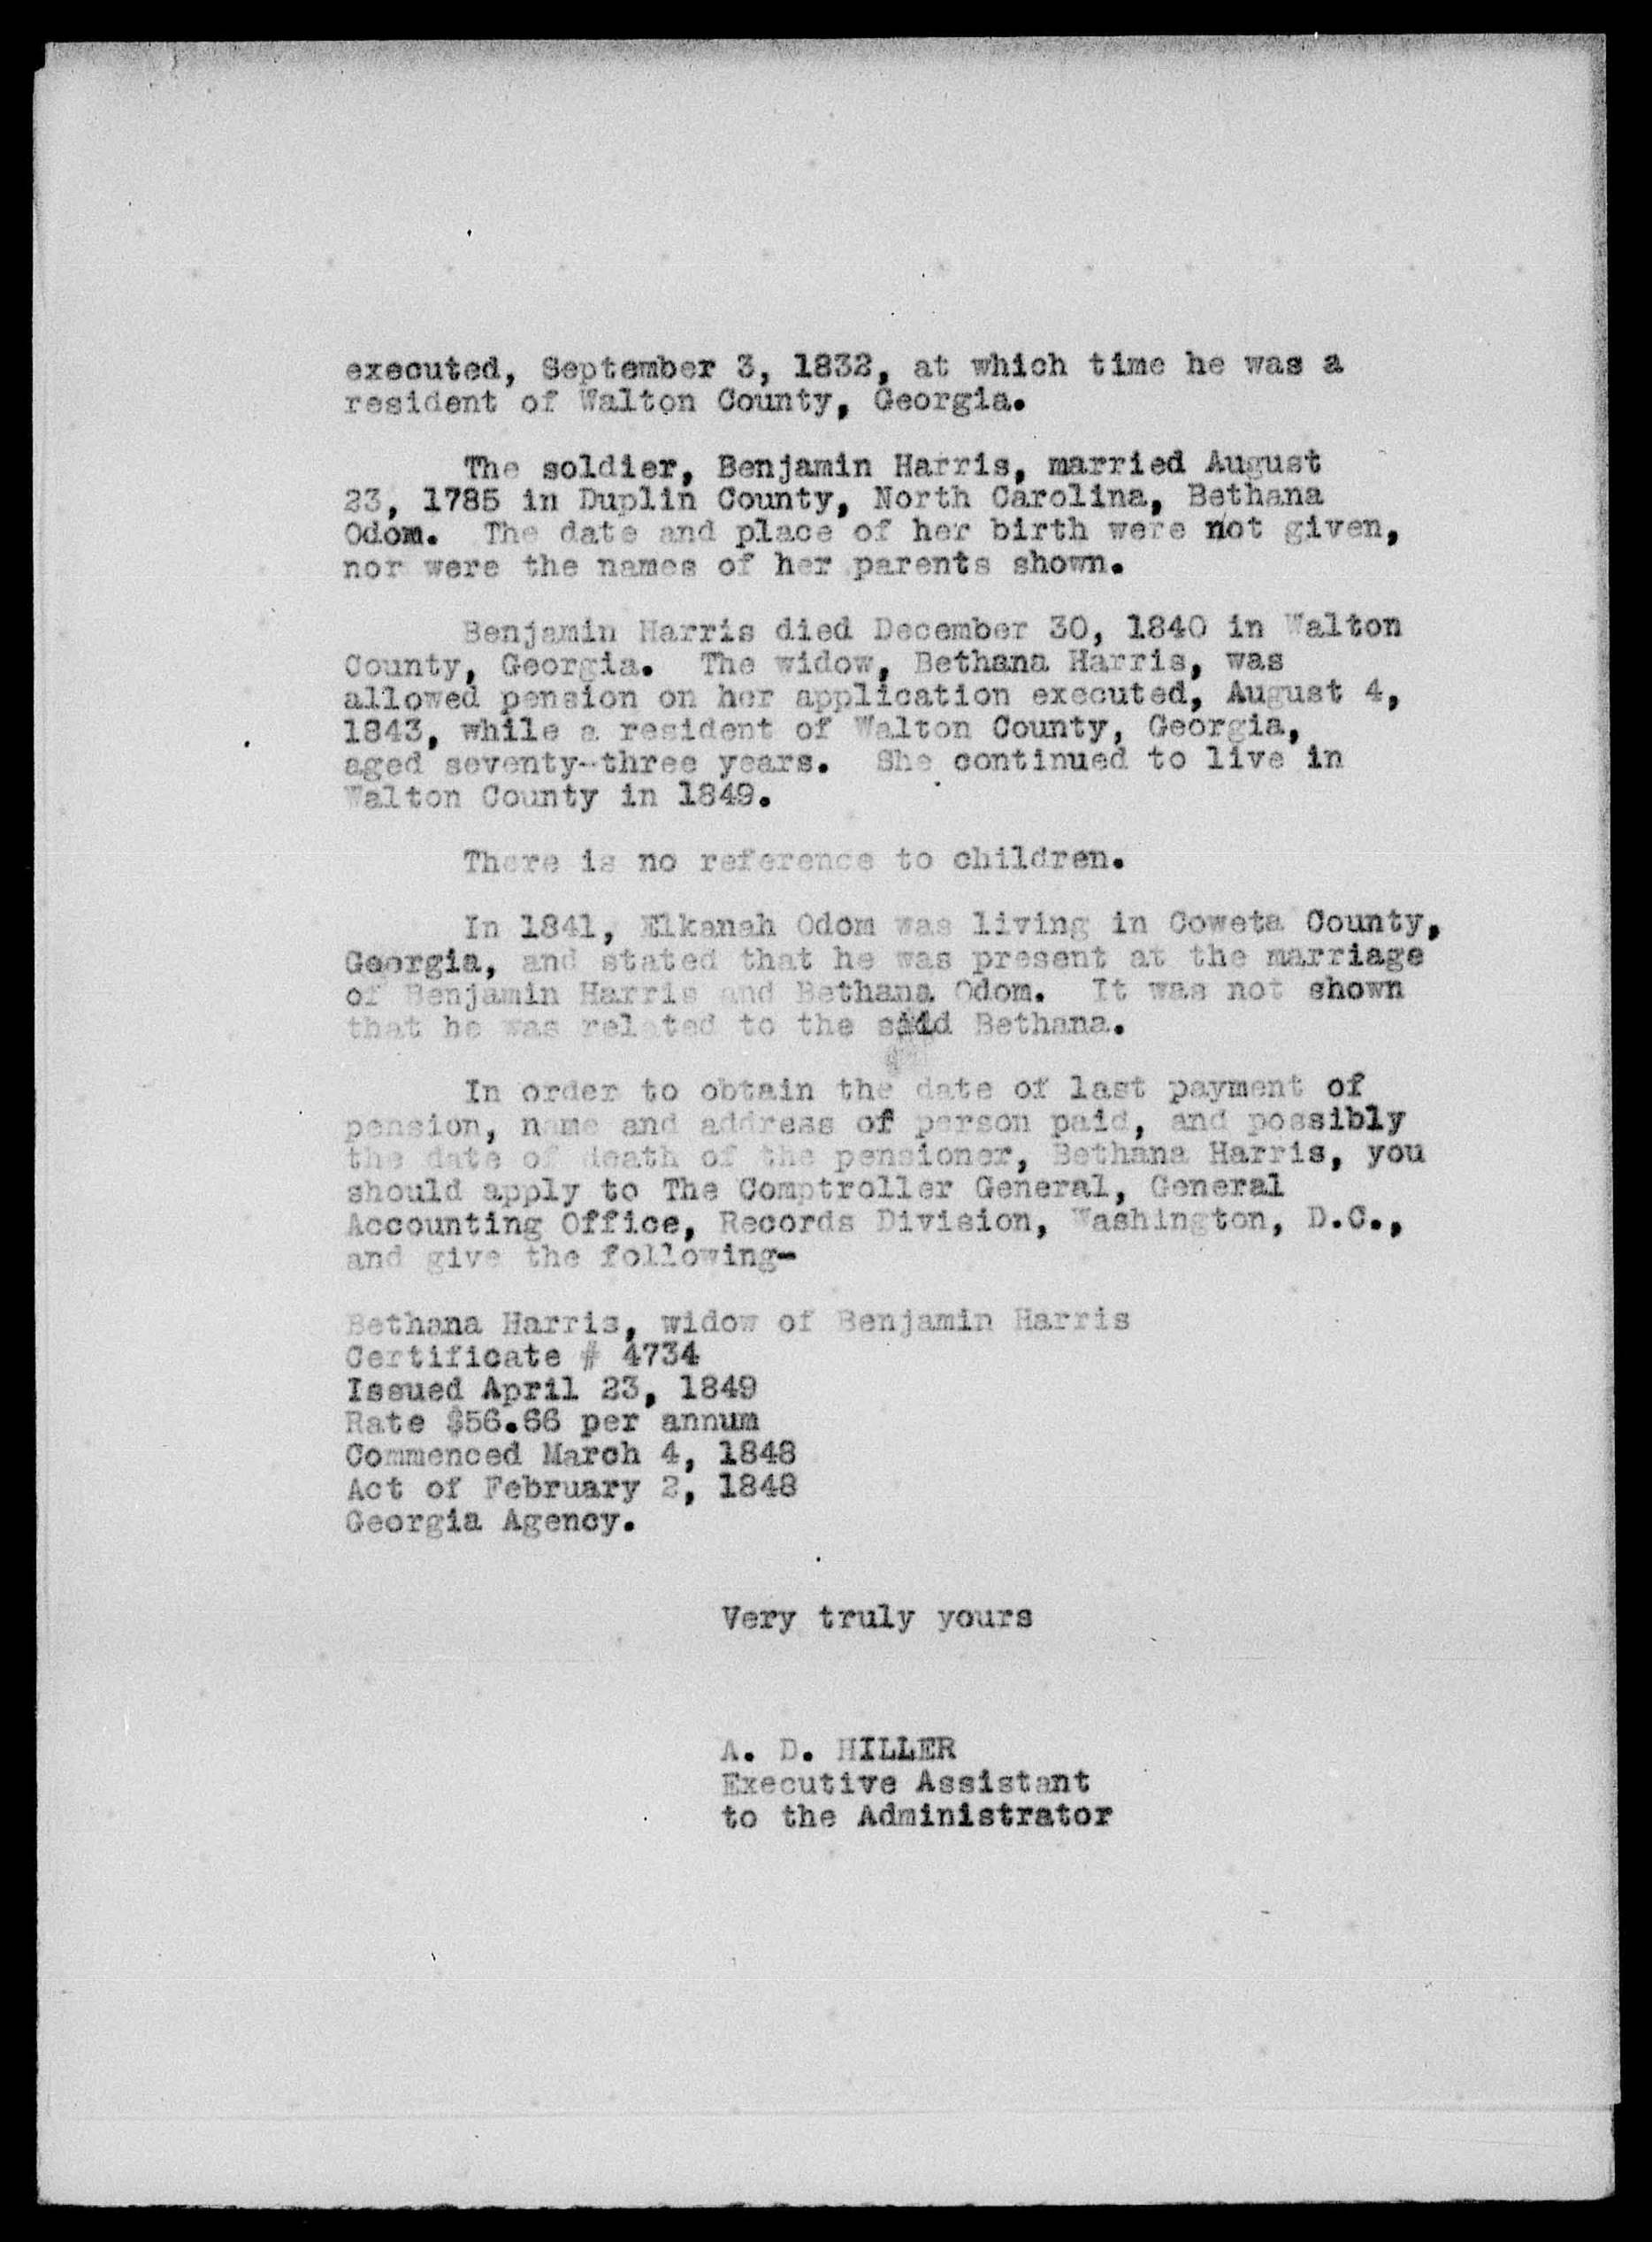executed, September 3, 1832, at which time he was a resident of Walton County, Georgia. 

The solider, Benjamin Harris, married August 1785 in Duplin County, North Carolina, Bethana Odom. The date and place of her birth were not given, nor were the names of her parents shown.

Benjamin Harris died December 30, 1840, in Walton County, Georgia. The widow, Bethana Harris, was allowed pension on her application executed, August 4, 1843, while a resident of Walton County, Georgia, aged seventy-three years. She continued to live in Walton County in 1849.

There is no reference to children.

In 1841, Elkanah Odom was living in Coweta County, Georgia, and stated that he was present at the marriage of Benjamin Harris and Bethana Odom. It was not shown that he was related to said Bethana. 

In order to obtain the date of last payment of pension, name and address of person paid, and possibly the date of the death of the pensioner, Bethana Harris, you should apply to the Controller General, General Accounting Office, Records Division, Washington, D.C., and give the following -

Bethana Harris, widow of Benjamin Harris
Certificate #4734
Issued April 23, 1849
Rate $56.66 per annum
Commenced March 4, 1848
Act of February 2, 1848
Georgia Agency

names: A D Hiller, Bethana, Benjamin Harris, Bethana Odom, Bethana Odom, Benjamin Harris, Benjamin Harris, Bethana Harris, Elkanah Odom, Bethana Harris, Bethana Harris, Benjamin Harris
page: 23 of 62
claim: survivor's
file: S. 38816, Benjamin Harris, Mass.